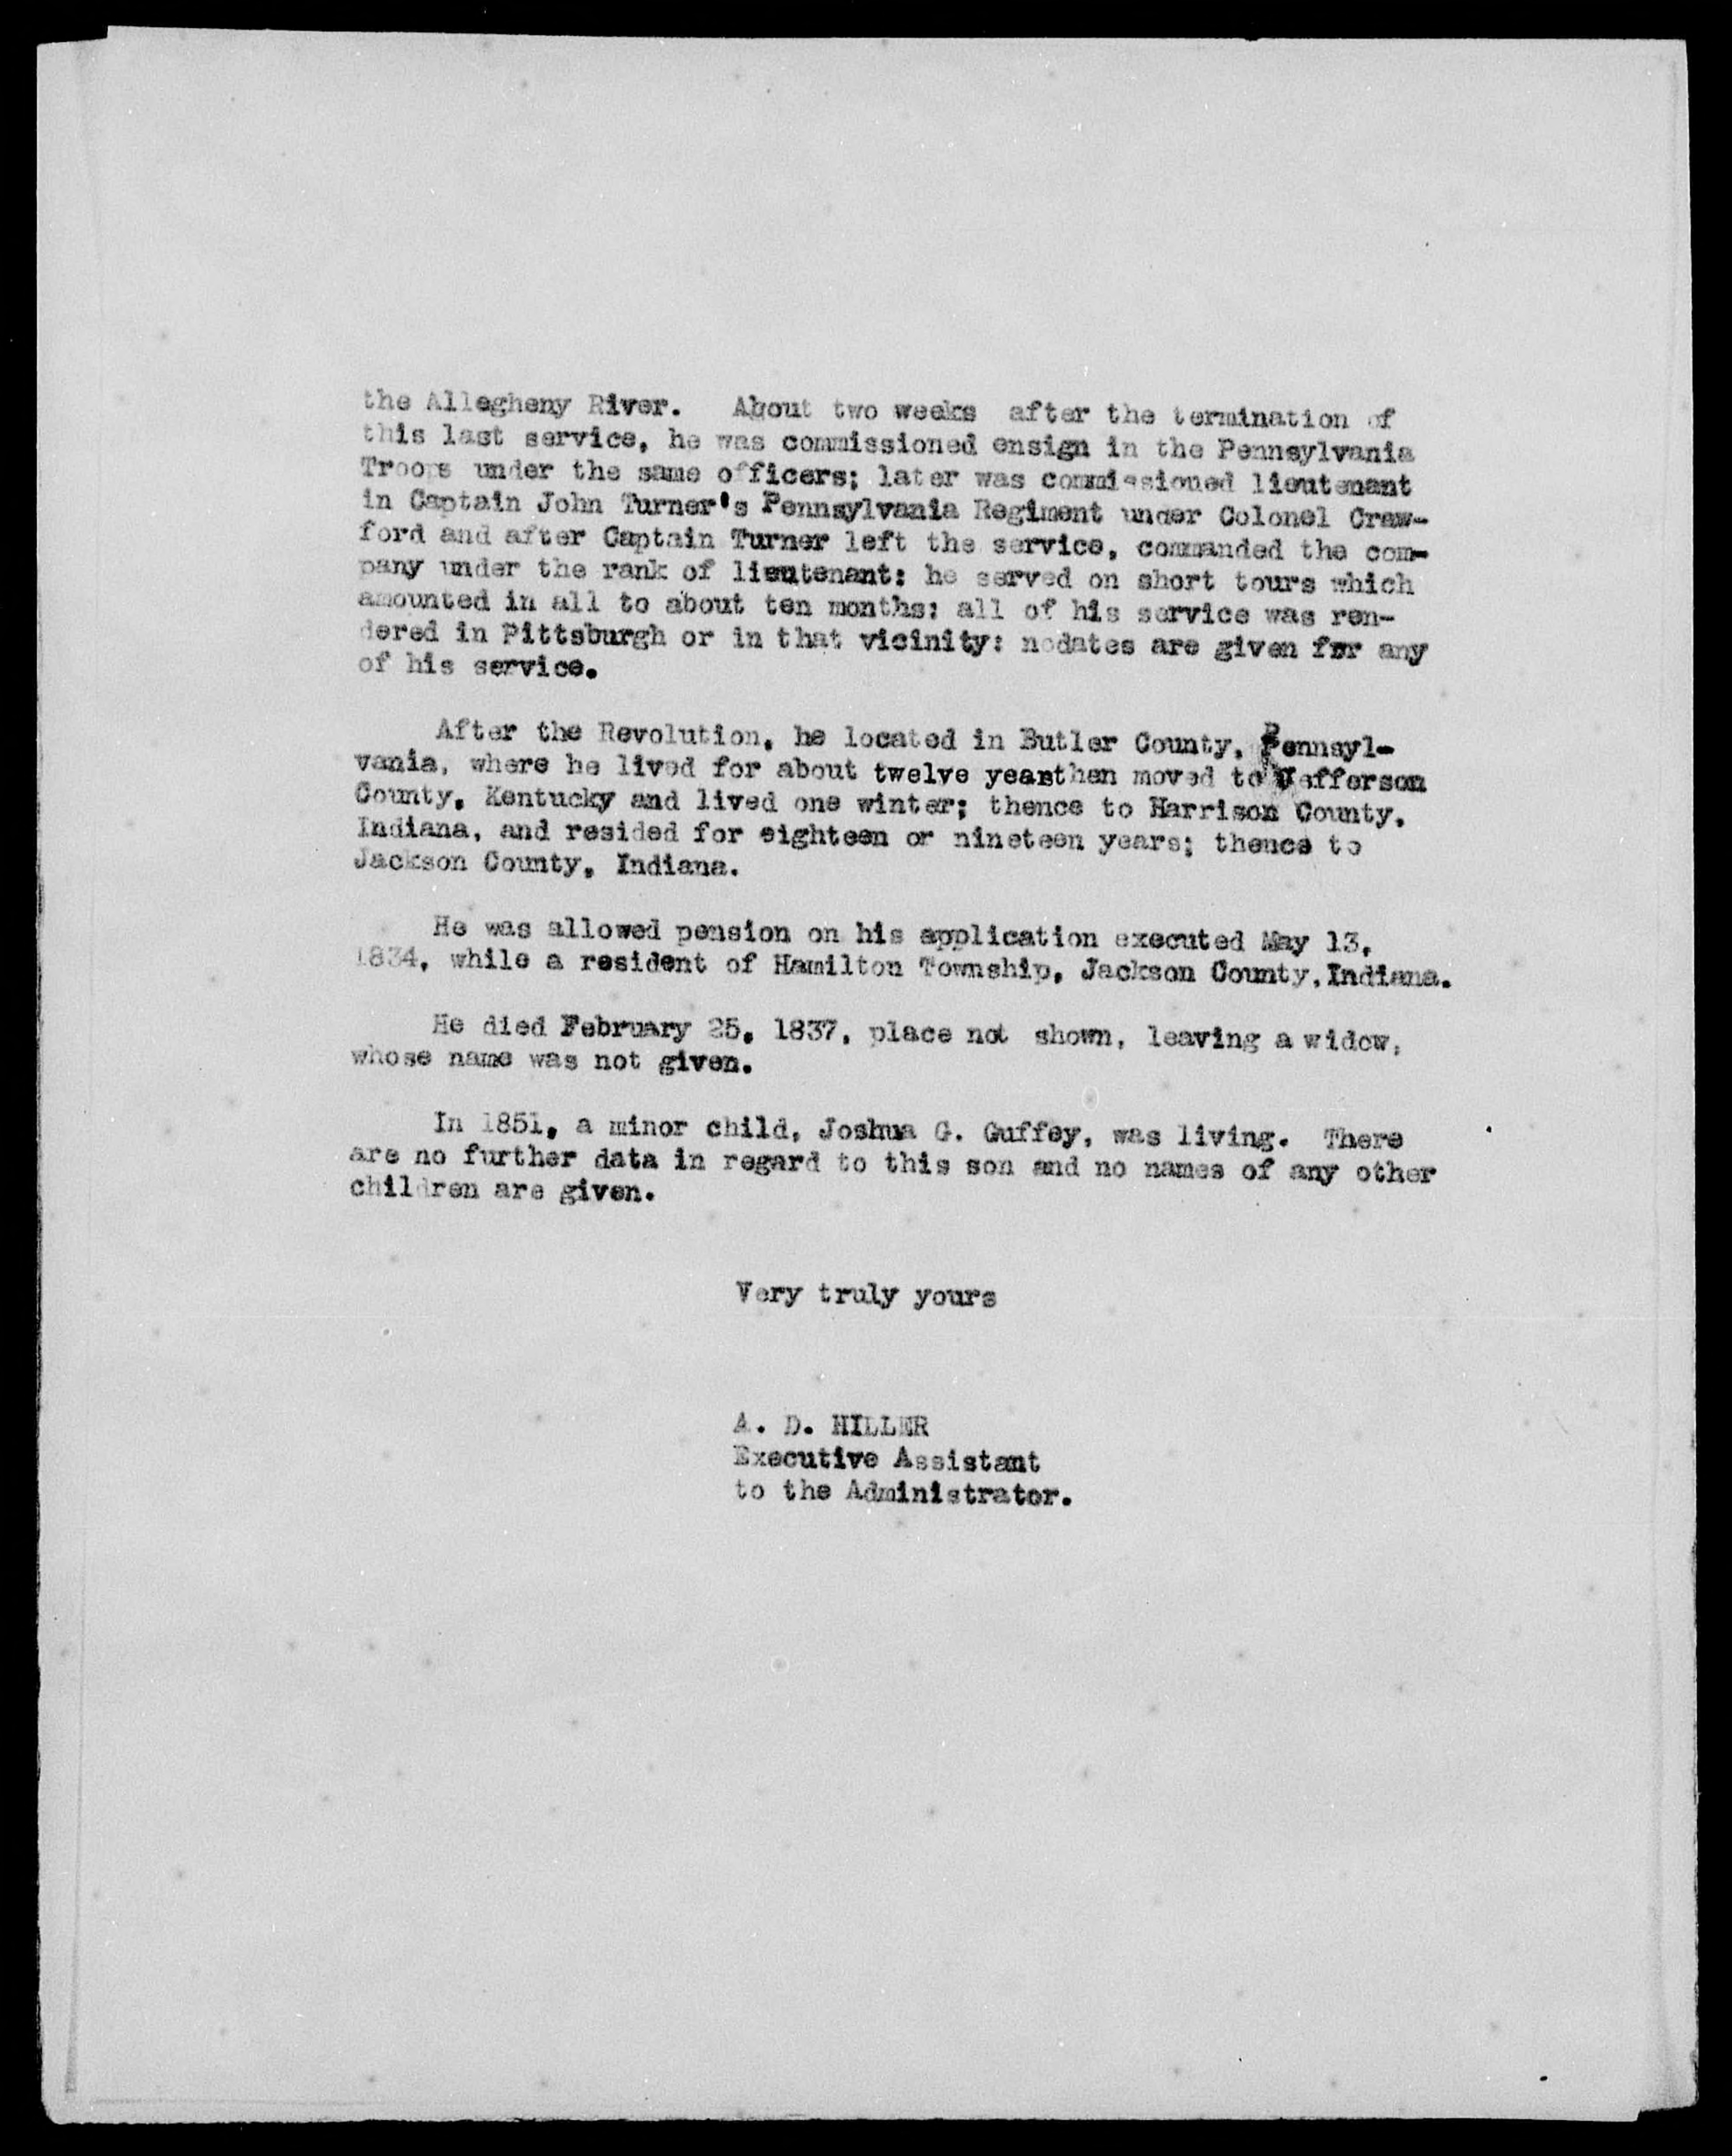the Allegheny River. About two weeks after the termination of this last service, he was commissioned ensign in the Pennsylvania Troops under the same officers; later was commissioned lieutenant in Captain John Turner's Pennsylvania Regiment under Colonel Crawford and after Captain Turner left the service, commanded the company under the rank of lieutenant; he served on short tours which accounted in all to about ten months: all of his service was rendered in Pittsburgh or in that vicinity: no dates are given for any of his service.

After the Revolution, he located in Butler County, Pennsylvania, where he lived for about twelve years than moved to Jefferson County, Kentucky and lived one winter; thence to Harrison County, Indiana, and resided for eighteen or nineteen years; thence to Jackson County, Indiana.

He was allowed pension on his application executed May 13, 1834, while a resident of Hamilton Township, Jackson County, Indiana. 
 
He died February 25, 1837, place not shown, leaving a widow, whose name was not given.

In 1851, a minor child, Joshua G. Guffey was living. There are no further data in regard to this son and no names of any other children are given.

Very truly yours

A.D. Hiller
Executive Assistant
to the Administrator.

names: A D Hiller, Turner, Joshua G Guffey, Crawford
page: 18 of 36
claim: survivor's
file: S. 31,718, James Guffey, Penn.